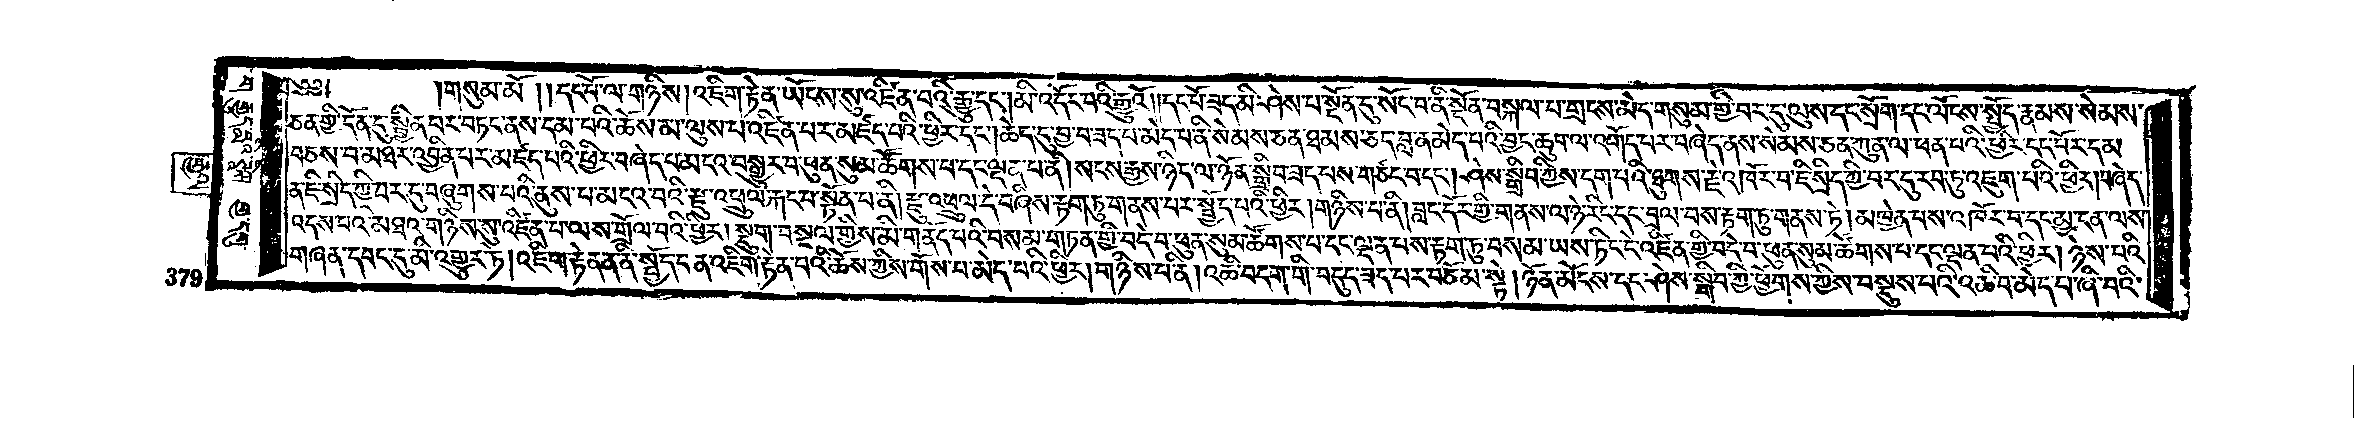༄༅། །གསུམ་མོ། །དང་པོ་ལ་གཉིས། འཇིག་རྟེན་ཡོངས་སུ་འཛིན་པའི་རྒྱུ་དང་། མི་འདོར་བའི་རྒྱུའོ། །དང་པོ་ཟད་མི་ཤེ་པ་སྔོན་དུ་སོང་བ་ནི་སྔོན་བསྐལ་པ་གྲངས་མེད་གསུམ་གྱི་བར་དུ་ལུས་དང་སྲོག་དང་ལོངས་སྤྱོད་རྣམས་སེམས་
ཅན་གྱི་དོན་དུ་སྦྱིན་པར་བཏང་ནས་དམ་པའི་ཆོས་མ་ལུས་པ་འཛིན་པར་མཛད་པའི་ཕྱིར་དང་། ཆེད་དུ་བྱ་བ་ཟད་པ་མེད་པ་ནི་སེམས་ཅན་ཐམས་ཅད་བླ་ན་མེད་པའི་བྱང་ཆུབ་ལ་འགོད་པར་བཞེད་ནས་སེམས་ཅན་ཀུན་ལ་ཕན་པའི་ཕྱིར་དང་པོར་དམ་
བཅས་པ་མཐར་འབྱིན་པར་མཛད་པའི་ཕྱིར་བཞེད་པ་མངའ་བསྒྱུར་བ་ཕུན་སུམ་ཚོགས་པ་དང་ལྡན་པ་ནི། སངས་རྒྱས་ཉིད་ལ་ཉོན་སྒྲིབ་ཟད་པས་གཙང་བ་དང་། ཤེས་སྒྲིབ་ཀྱིས་དག་པའི་ཐུགས་རྗེ་འཁོར་བ་ཇི་སྲིད་ཀྱི་བར་དུ་རབ་ཏུ་འཇུག་པའི་ཕྱིར། བཞེད་
ན་ཇི་སྲིད་ཀྱི་བར་དུ་བཞུགས་པའི་ནུས་པ་མངའ་བའི་རྫུ་འཕྲུལ་རྐང་པ་སྟོན་པ་ནི། རྫུ་འཕྲུལ་དེ་བཞིས་རྟག་ཏུ་གནས་པར་སྤྱོད་པའི་ཕྱིར། གཉིས་པ་ནི། བླང་དོར་གྱི་གནས་ལ་ཉེ་རིང་དང་བྲལ་བས་རྟག་ཏུ་གནས་ཏེ། མཁྱེན་པས་འཁོར་བ་དང་མྱ་ངན་ལས་
འདས་པའི་མཐའ་གཉིས་སུ་འཛིན་པ་ལས་གྲོལ་བའི་ཕྱིར། སྡུག་བསྔལ་གྱིས་མི་གནོད་པའི་བསམ་གཏན་གྱི་བདེ་བ་ཕུན་སུམ་ཚོགས་པ་དང་ལྡན་པས་རྟག་ཏུ་བསམ་ཡས་ཏིང་ངེ་འཛིན་གྱི་བདེ་བ་ཕུན་སུམ་ཚོགས་པ་དང་ལྡན་པའི་ཕྱིར། ཉེས་པའི་
གཞན་དབང་དུ་མི་འགྱུར་ཏེ། འཇིག་རྟེན་ན་ནི་སྤྱོད་པ?་ན་འཇིག་རྟེན་པའི་ཆོས་ཀྱིས་གོས་པ་མེད་པའི་ཕྱིར། གཉིས་པ་ནི། འཆི་བདག་གི་བདུད་ཟད་པར་བཅོམ་སྟེ། ཉོན་མོངས་དང་ཤེས་སྒྲིབ་ཀྱི་ཕྱོགས་ཀྱིས་བསྡུས་པའི་འཆི་བ་མེ་དཔ་བཞི་བའི་